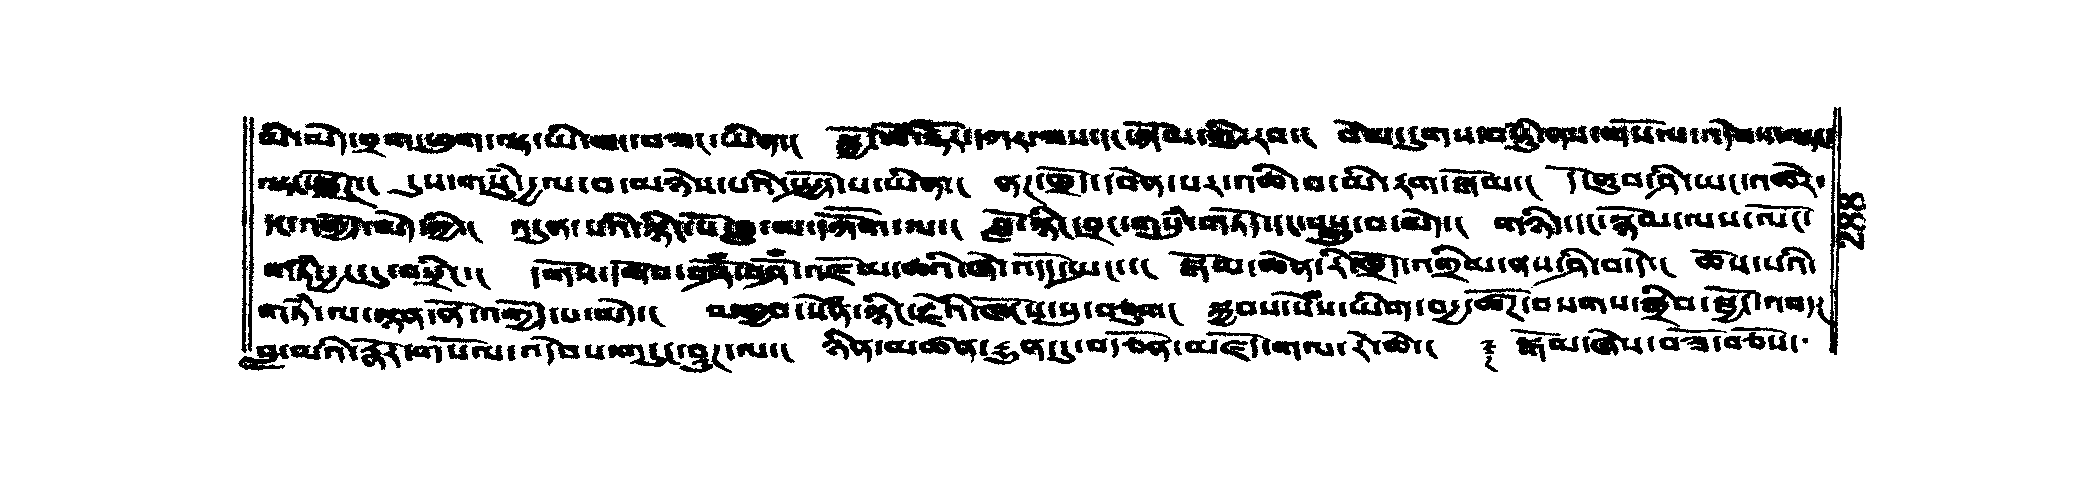།མི་མེད་བྲག་ཕུག་ལྷ་ཡི་ཁང་བཟང་ཡིན། །སྐྱོ་ཚ་རྡོར་དཀར་ཟས་དང་སྐོམ་གྱི་རབ། །བེམ་དུག་བསྟུམ་ནས་གསོལ་འདེབས་ལྷང་
ལྷང་སྒྲོགས། །དུས་གསུམ་རྒྱལ་བ་མཉེས་པའི་སྤྱོད་པ་ཡིན། །ནགས་ཁྲོད་དབེན་པར་འཆི་བ་མི་རྟག་སྒོམ། །དོ་ནུབ་ཤི་ཡང་འཚེར་
དང་འགྱོད་མེད་ཀྱི། །འདུན་པའི་སྙིང་པོ་བླ་མ་དཀོན་མཆོག་ལ། །བློ་སྙིང་བྲང་གསུམ་གཏོད་དང་བསླུ་བ་མེད། །གཉིད་དང་སྙོམ་ལས་ལོང་
གཏམ་རྒྱང་དུ་བསྲིང་། །དགོས་དགོས་བཤོམ་བཤོམ་འཛོམ་ཆའི་ཞེ་འདོད་སྤང་། །སྒོམ་ཆེན་རི་ཁྲོད་འགྲིམ་ནས་ཤི་བ་དེ། །ཆོས་པའི་
གཏམ་ལ་སྙན་ནོ་འགྱོད་པ་མེད། །མཁའ་ཁྱབ་སེམས་ཅན་སྙིང་རྗེའི་ཁོངས་སུ་བཅུག །སྐྱབས་སེམས་ཡིག་བརྒྱ་ཚོགས་གསགས་སྒྲིབ་སྦྱོང་འབད། །
བླ་མའི་རྣལ་འབྱོར་གསོལ་འདེབས་གདུང་ཤུགས་ལ། །ཉིན་མཚན་རྒྱུན་དུ་བརྩོན་མཛོད་གལ་རེ་ཆེ། ༈ སྒོམ་ཞེས་བཟོ་བཅོས་